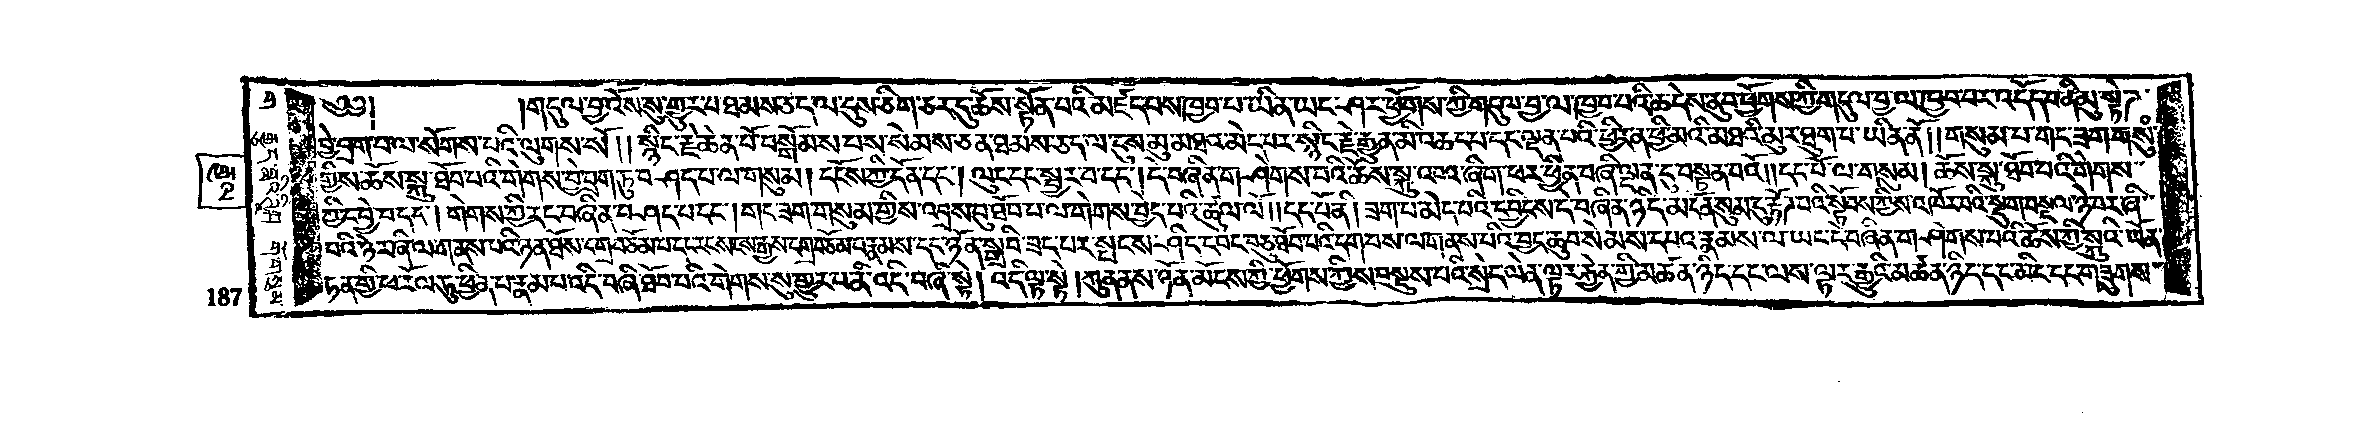༄༅། །གདུལ་བྱ་འོས་སུ་གྱུར་པ་ཐམས་ཅད་ལ་དུས་ཅིག་ཅར་དུ་ཆོས་སྟོན་པའི་མཛད་པས་ཁྱབ་པ་ཡིན་ཡང་ཤར་ཕྱོགས་ཀྱི་གདུལ་བྱ་ལ་ཁྱབ་པའི་ཆ་དེས་ནུབ་ཕྱོགས་ཀྱི་གདུལ་བྱ་ལ་ཁྱབ་པར་འདོད་པ་ནི་མུ་སྟེགས་
བྱེ་བྲག་པ་ལ་སོགས་པའི་ལུགས་སོ། །སྙིང་རྗེ་ཆེན་པོ་བསྒོམས་པས་སེམས་ཅན་ཐམས་ཅད་ལ་དུས་མུ་མཐའ་མེད་པར་སྙིང་རྗེ་རྒྱུན་མི་འཆད་པ་དང་ལྡན་པའི་ཕྱིར་ན་ཕྱི་མའི་མཐའི་མུར་ཐུག་པ་ཡིན་ནོ། །གསུམ་པ་གང་ཟག་གསུམ་
གྱིས་ཆོས་སྐུ་ཐོབ་པའི་གེགས་བྱེ་བྲག་ཏུ་བཤད་པ་ལ་གསུམ། དངོས་ཀྱི་དོན་དང་། ལུང་དང་སྦྱར་བ་དང་། དེ་བཞིན་གཤེགས་པའི་ཆོས་སྐུ་འབའ་ཞིག་ཕར་ཕྱིན་བཞི་ལྡན་དུ་བསྟན་པའོ། །དང་པོ་ལ་གསུམ། ཆོས་སྐུ་ཐོབ་པའི་གེགས་
ཀྱི་དབྱེ་བ་དང་། གེགས་ཀྱི་རང་བཞིན་བཤད་པ་དང་། གང་ཟག་གསུམ་གྱིས་འབྲས་བུ་ཐོབ་པ་ལ་གེགས་བྱེད་པའི་ཚུལ་ལོ། །དང་པོ་ནི། ཟག་པ་མེད་པའི་དབྱིངས་དེ་བཞིན་ཉིད་མངོན་སུམ་དུ་རྟོགས་པའི་སྟོབས་ཀྱིས་འཁོར་བའི་སྡུག་བསྔལ་ཉེ་བར་ཞི་
བའི་ཉེར་ཞི་ལ་གནས་པའི་ཉན་ཐོས་དགྲ་བཅོམ་པ་དང་རང་སངས་རྒྱས་དགྲ་བཅོམ་པ་རྣམས་དང་ཉོན་སྒྲའི་ཟད་པར་སྤངས་ཤིང་དབང་བཅུ་ཐོབ་པའི་དག་པས་ལ་གནས་པའི་བྱང་ཆུབ་སེམས་དཔའ་རྣམས་ལ་ཡང་དེ་བཞིན་གཤེགས་པའི་ཆོས་ཀྱི་སྐུའི་ཡོན་
ཏན་གྱི་ཕ་རོལ་ཏུ་ཕྱིན་པ་རྣམ་པ་འདི་བཞི་ཐོབ་པའི་གེགས་སུ་གྱུར་པ་ནི་འདི་བཞི་སྟེ། འདི་ལྟ་སྟེ། ཀུན་ནས་ཉོན་མོངས་ཀྱི་ཕྱོགས་ཀྱིས་བསྡུས་པའི་སྲེད་ལེན་ལྟར་རྐྱེན་གྱི་མཚན་ཉིད་དང་ལས་ལྟར་རྒྱུའི་མཚན་ཉིད་དང་མིང་དང་གཟུགས་